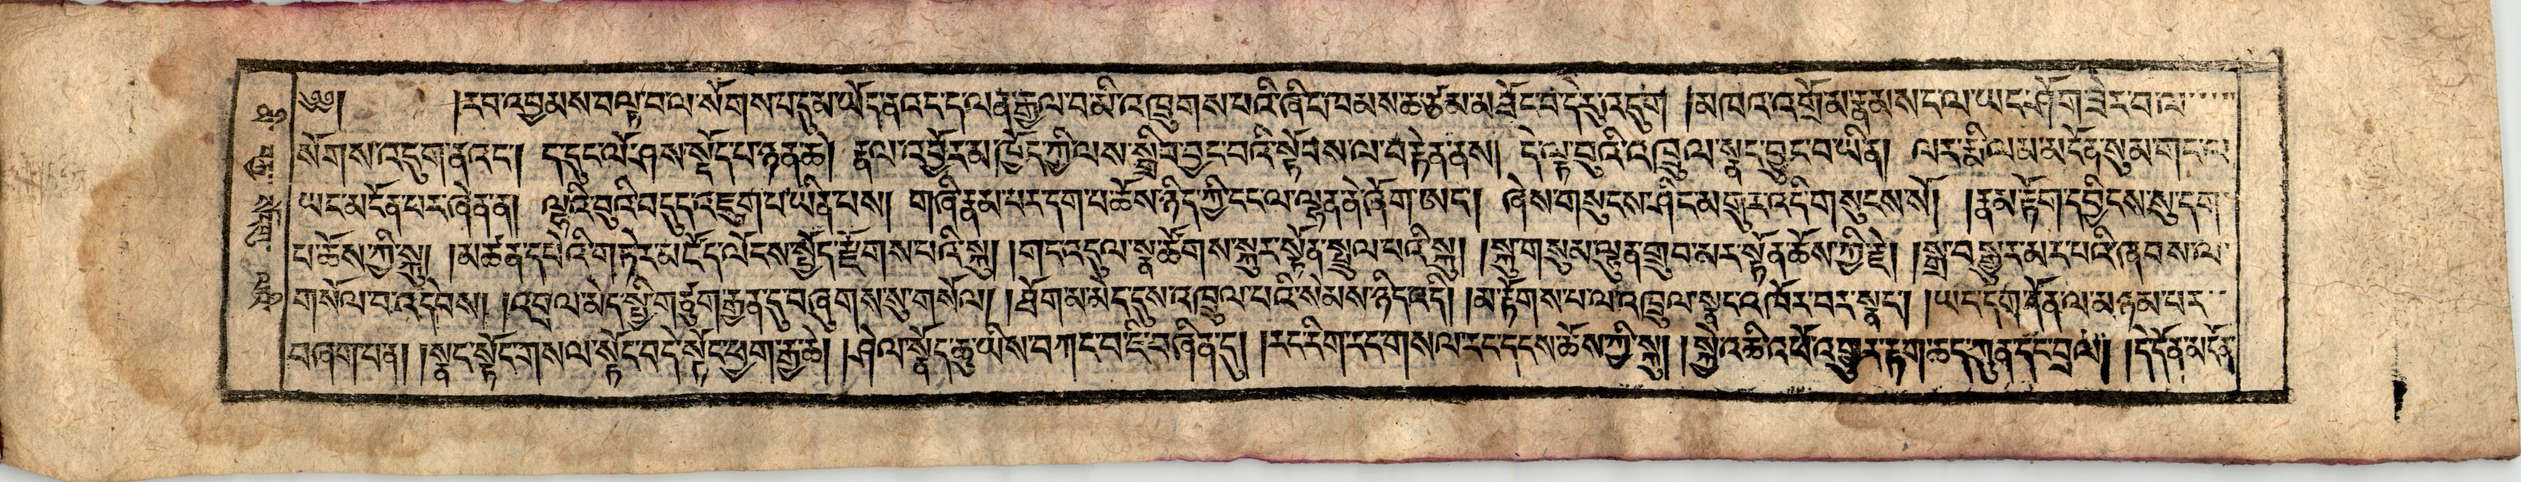རབ་འབྱམས་བལྟ་བ་ལ་སོགས་པ་དུ་མ་ཡོད་ནའང་ད་ལན་རྒྱལ་བ་མི་འཁྲུགས་པའི་ཞིང་ཁམས་ཆ་ཙམ་མཐོང་བ་དེར་འདུག །མཁའ་འགྲོ་མ་རྣམས་ང་ལ་ཡང་ཤོག་ཟེར་བ་ལ་
སོགས་འདུག་ནའང་། ད་དུང་ལོ་ཤས་སྡོད་པ་ཉན་ཆ། རྣལ་འབྱོར་མ་ཁྱོད་ཀྱི་ལས་སྒྲིབ་བྱང་བའི་སྟོབས་ལ་བརྟེན་ནས། དེ་ལྟ་བུའི་འཁྲུལ་སྣང་བྱུང་བ་ཡིན། ལར་རྨི་ལམ་མངོན་སུམ་གང་
ཡང་མངོན་པར་ཞེན་ན། ལྷའི་བུའི་བདུད་འཇུག་པ་ཡིན་པས། གཞི་རྣམ་པར་དག་པ་ཆོས་ཉིད་ཀྱི་ངང་ལ་ལྷན་ནེ་ཞོག་ཨང་། ཞེས་གསུངས་ཤིང་མགུར་འདི་གསུངས་སོ། །རྣམ་རྟོག་དབྱིངས་སུ་དག་
པ་ཆོས་ཀྱི་སྐུ། །མཚན་དཔེའི་གཏེར་མཛོད་ལོངས་སྤྱོད་རྫོགས་པའི་སྐུ། །གང་འདུལ་སྣ་ཚོགས་སྐུར་སྟོན་སྤྲུལ་པའི་སྐུ། །སྐུ་གསུམ་ལྷུན་གྲུབ་མར་སྟོན་ཆོས་ཀྱི་རྗེ། །སྒྲ་བསྒྱུར་མར་པའི་ཞབས་ལ་
གསོལ་བ་འདེབས།།འབྲལ་མེད་སྤྱི་གཙུག་རྒྱན་དུ་བཞུགས་སུ་གསོལ། །ཐོག་མ་མེད་དུས་འཁྲུལ་པའི་སེམས་ཉིད་འདི། །མ་རྟོགས་པ་ལ་འཁྲུལ་སྣང་འཁོར་བར་སྣང་། །ཡང་དག་རྟེན་ལ་མཉམ་པར་
བཞག་པ་ན། །སྣང་སྟོང་གསལ་སྟོང་བདེ་སྟོང་ཕྱག་རྒྱ་ཆེ། ། ཤེལ་སྣོད་ཆུ་ཡིས་བཀང་བ་ཇི་བཞིན་དུ། །རང་རིག་རང་གསལ་རང་དངས་ཆོས་ཀྱི་སྐུ། །སྐྱེ་འཆི་འཕོ་འགྱུར་རྟག་ཆད་ཀུན་དང་བྲལ། །དེ་དོན་མངོན་